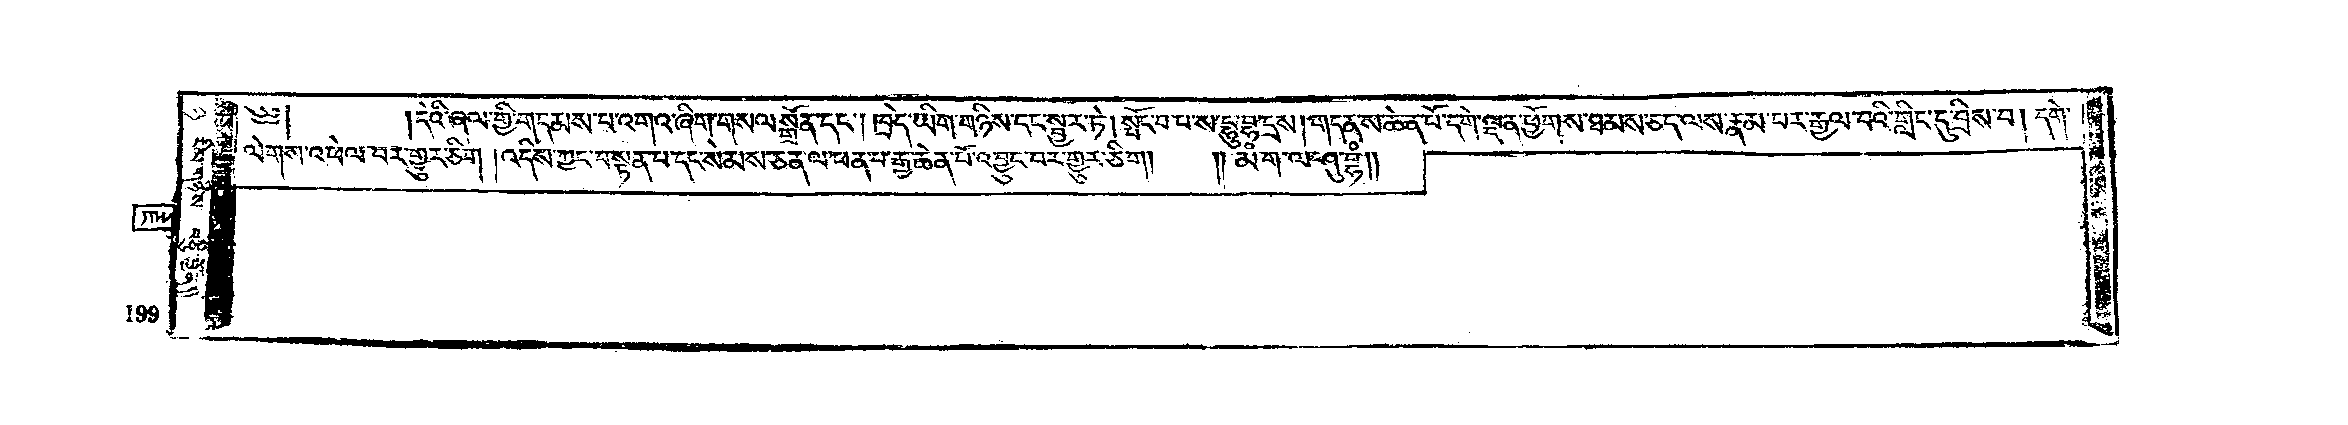༄༅། །དེའི་ཞལ་གྱི་གདམས་པ་འགའ་ཞིག་གསལ་སྒྲོན་དང་། ཁྲིད་ཡིག་གཉིས་དང་སྦྱར་ཏེ། སྤོང་བ་པ་ས་དྷུ་བྷ་དྲས། གདན་ས་ཆེན་པོ་དགེ་ལྡན་ཕྱོགས་ཐམས་ཅད་ལས་རྣམ་པར་རྒྱལ་བའི་གླིང་དུ་བྲིས་བ། དགེ་
ལེགས་འཕེལ་བོར་གྱུར་ཅིག །འདིས་ཀྱང་བསྟན་པ་དང་སེམས་ཅན་ལ་ཕན་པ་རྒྱ་ཆེན་པོ་འབྱུང་བར་གྱུར་ཅིག ། །།མཾ་ག་ལ་ཤུ་བྷཾ།།